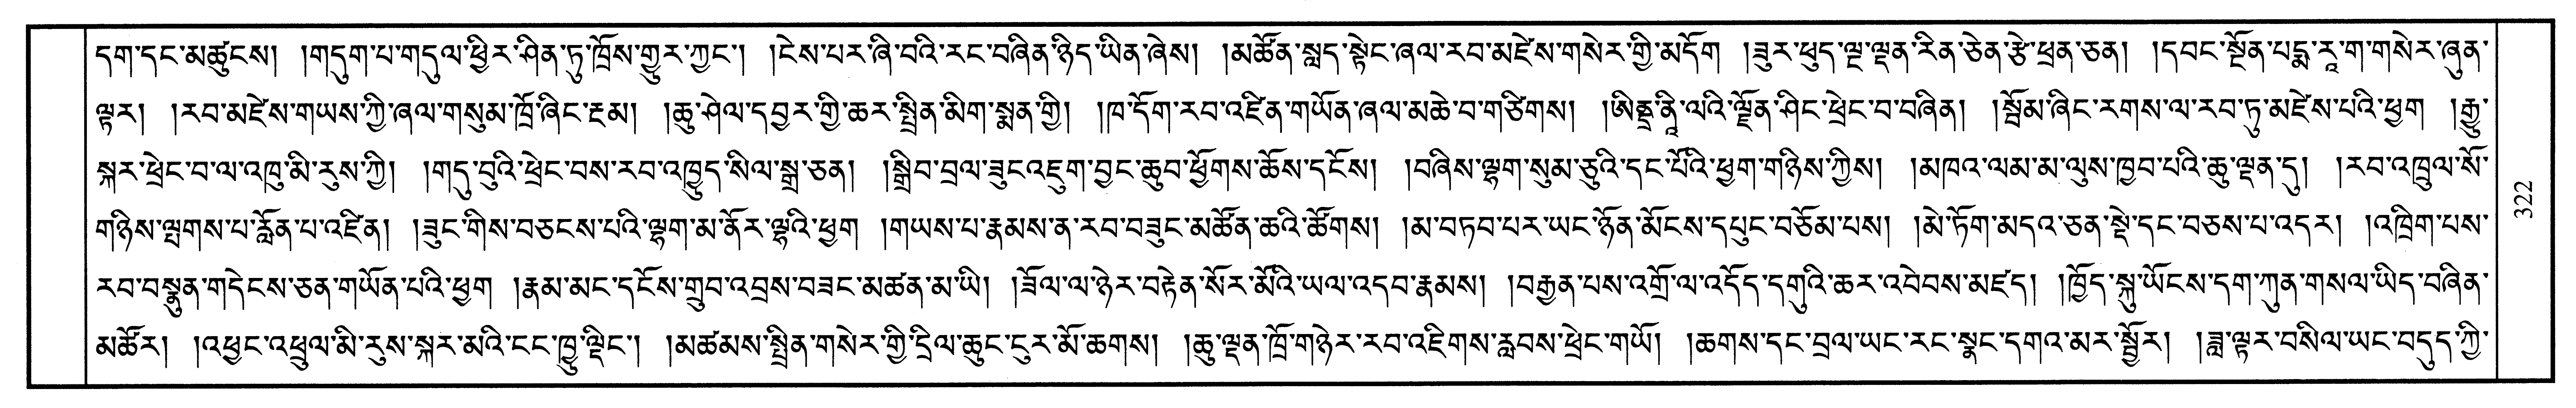དག་དང་མཚུངས། །གདུག་པ་གདུལ་ཕྱིར་ཤིན་ཏུ་ཁྲོས་གྱུར་ཀྱང་། །ངེས་པར་ཞི་བའི་རང་བཞིན་ཉིད་ཡིན་ཞེས། །མཚོན་སླད་སྟེང་ཞལ་རབ་མཛེས་གསེར་གྱི་མདོག །ཟུར་ཕུད་ལྔ་ལྡན་རིན་ཅེན་རྩེ་ཕྲན་ཅན། །དབང་སྔོན་པདམ་རཱ་ག་གསེར་ཞུན་
ལྟར། །རབ་མཛེས་གཡས་ཀྱི་ཞལ་གསུམ་ཁྲོ་ཞིང་རྔམ། །ཆུ་ཤེལ་དབྱར་གྱི་ཆར་སྤྲིན་མིག་སྨན་གྱི། །ཁ་དོག་རབ་འཛིན་གཡོན་ཞལ་མཆེ་བ་གཙིགས། །ཨིནྡྲ་ནཱི་ལའི་ལྗོན་ཤིང་ཕྲེང་བ་བཞིན། །སྦོམ་ཞིང་རགས་ལ་རབ་ཏུ་མཛེས་པའི་ཕྱག །རྒྱུ་
སྐར་ཕྲེང་བ་ལ་འཁུ་མི་རུས་ཀྱི། །གདུ་བུའི་ཕྲེང་བས་རབ་འཁྱུད་སིལ་སྒྲ་ཅན། །སྒྲིབ་བྲལ་ཟུང་འཇུག་བྱང་ཆུབ་ཕྱོགས་ཆོས་དངོས། །བཞིས་ལྷག་སུམ་ཅུའི་དབང་པོའི་ཕྱག་གཉིས་ཀྱིས། །མཁའ་ལམ་མ་ལུས་ཁྱབ་པའི་ཆུ་ལྡན་དུ། །རབ་འཁྲུལ་སོ་
གཉིས་ལྤགས་པ་རློན་པ་འཛིན། །ཟུང་གིས་བཅངས་པའི་ལྷག་མ་ནོར་ལྷའི་ཕྱག །གཡས་པ་རྣམས་ན་རབ་བཟུང་མཚོན་ཆའི་ཚོགས། །མ་བཏབ་པར་ཡང་ཉོན་མོངས་དཔུང་བཅོམ་པས། །མེ་ཏོག་མདའ་ཅན་སྡེ་དང་བཅས་པ་འདར། །འཁྲིག་པས་
རབ་བསྣུན་གདེངས་ཅན་གཡོན་པའི་ཕྱག །རྣམ་མང་དངོས་གྲུབ་འབྲས་བཟང་མཚན་མ་ཡི། །ཟོལ་ལ་ཉེར་བརྟེན་སོར་མོའི་ཡལ་འདབ་རྣམས། །བརྒྱན་པས་འགྲོ་ལ་འདོད་དགུའི་ཆར་འབེབས་མཛད། །ཁྱོད་སྐུ་ཡོངས་དག་ཀུན་གསལ་ཡིད་བཞིན་
མཚོར། །འཕྱང་འཕྲུལ་མི་རུས་སྐར་མའི་ངང་ཁྱུ་ལྡིང་། །མཚམས་སྤྲིན་གསེར་གྱི་དྲིལ་ཆུང་ངུར་མོ་ཆགས། །ཆུ་ལྡན་ཁྲོ་གཉེར་རབ་འཇིགས་རླབས་ཕྲེང་གཡོ། །ཆགས་དང་བྲལ་ཡང་རང་སྣང་དགའ་མར་སྦྱོར། །ཟླ་ལྟར་བསིལ་ཡང་བདུད་ཀྱི་